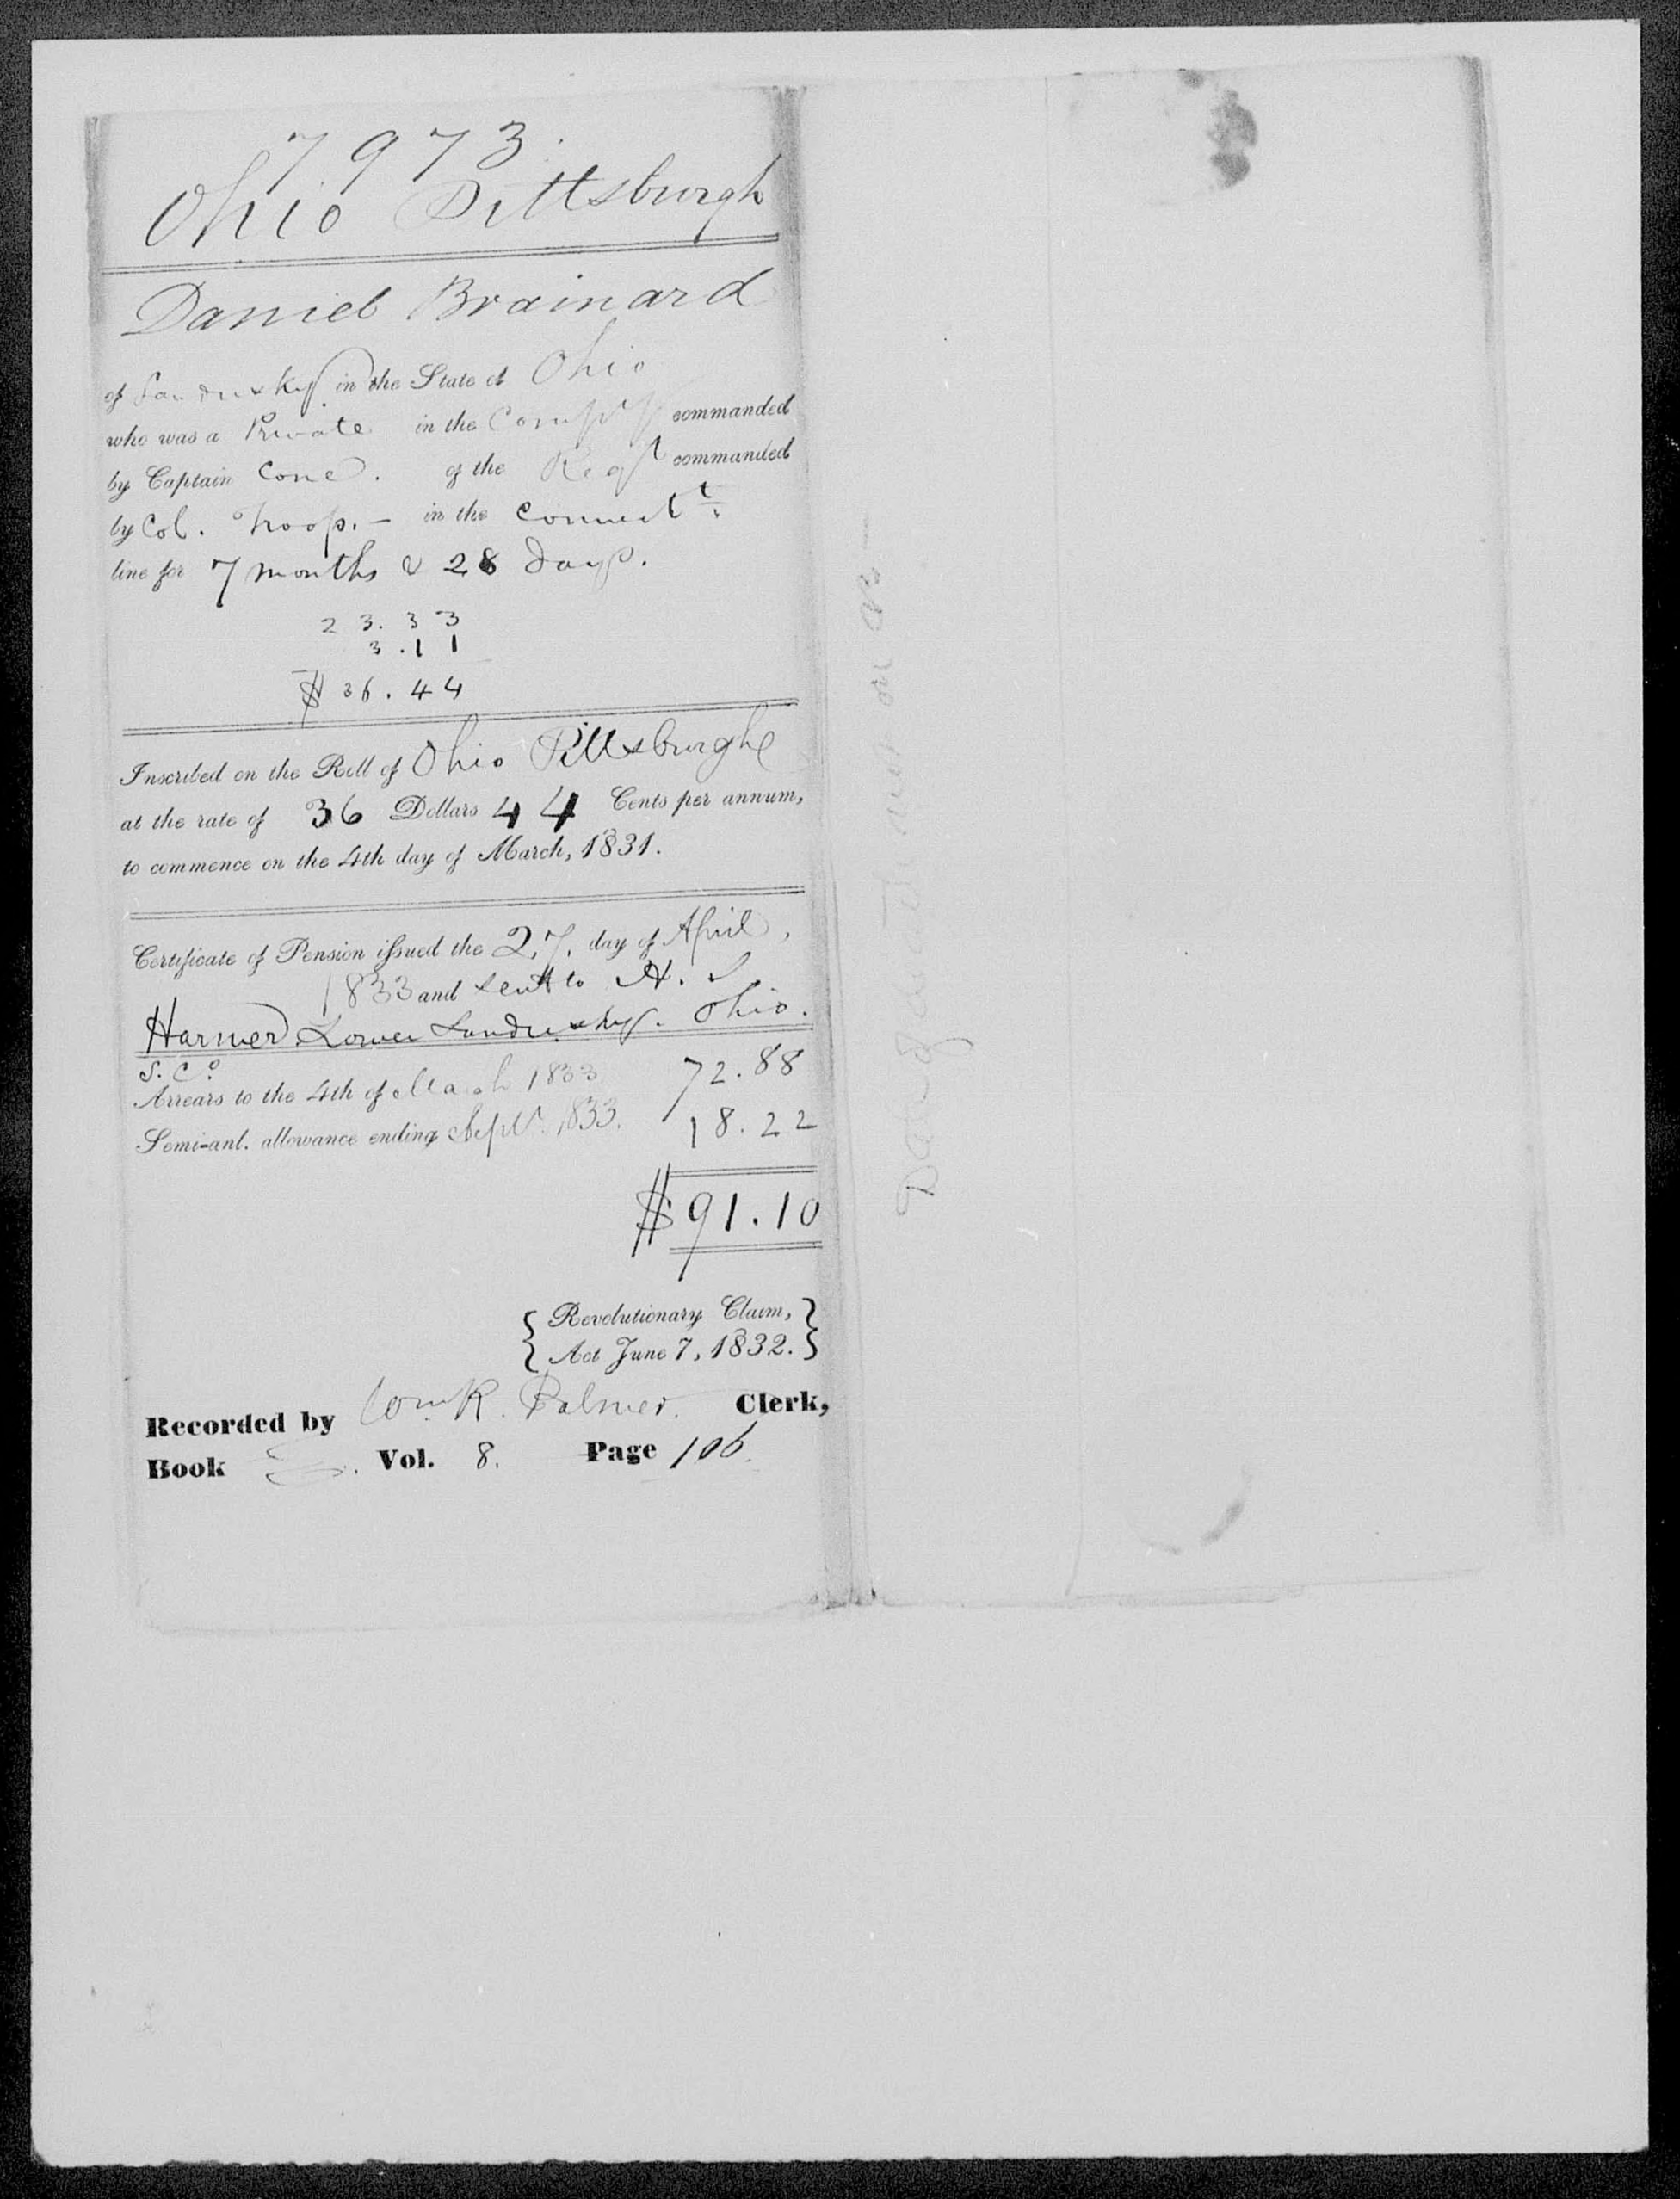7973

Ohio Pittsburgh

Daniel Brainard

of Landusky in the State of Ohio
who was a Private in the Company Commanded
by Captain Cone, of the Regiment commanded 
by Colonel Troop in the Connecticut
line for 7 months and 28 days

23.33
3.11
$36.44

Inscribed on the Roll of Ohio Pittsburgh
at the rate of 36 Dollars 44 Cents per annum,
to commence on the 4th day of March, 1831.

Certificate of Pension issued the 27 day of April, 1833 and sent to H. Harmer, Lower Sandusky, Ohio

Arrears to the 4th of March 1833   72.88
Sem-annual allowance ending Sept. 1833 18.22

                                    $91.10

Revolutionary Claim,
Act June 7, 1832.

Recorded by William R. Palmer, Clerk
Book , Vol. 8, Page 106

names: H J Harmer, Troop, Wm R Palmer, Cone, Daniel Brainard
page: 2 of 30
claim: survivor's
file: S. 3099, Daniel Brainard, Conn. Privateer